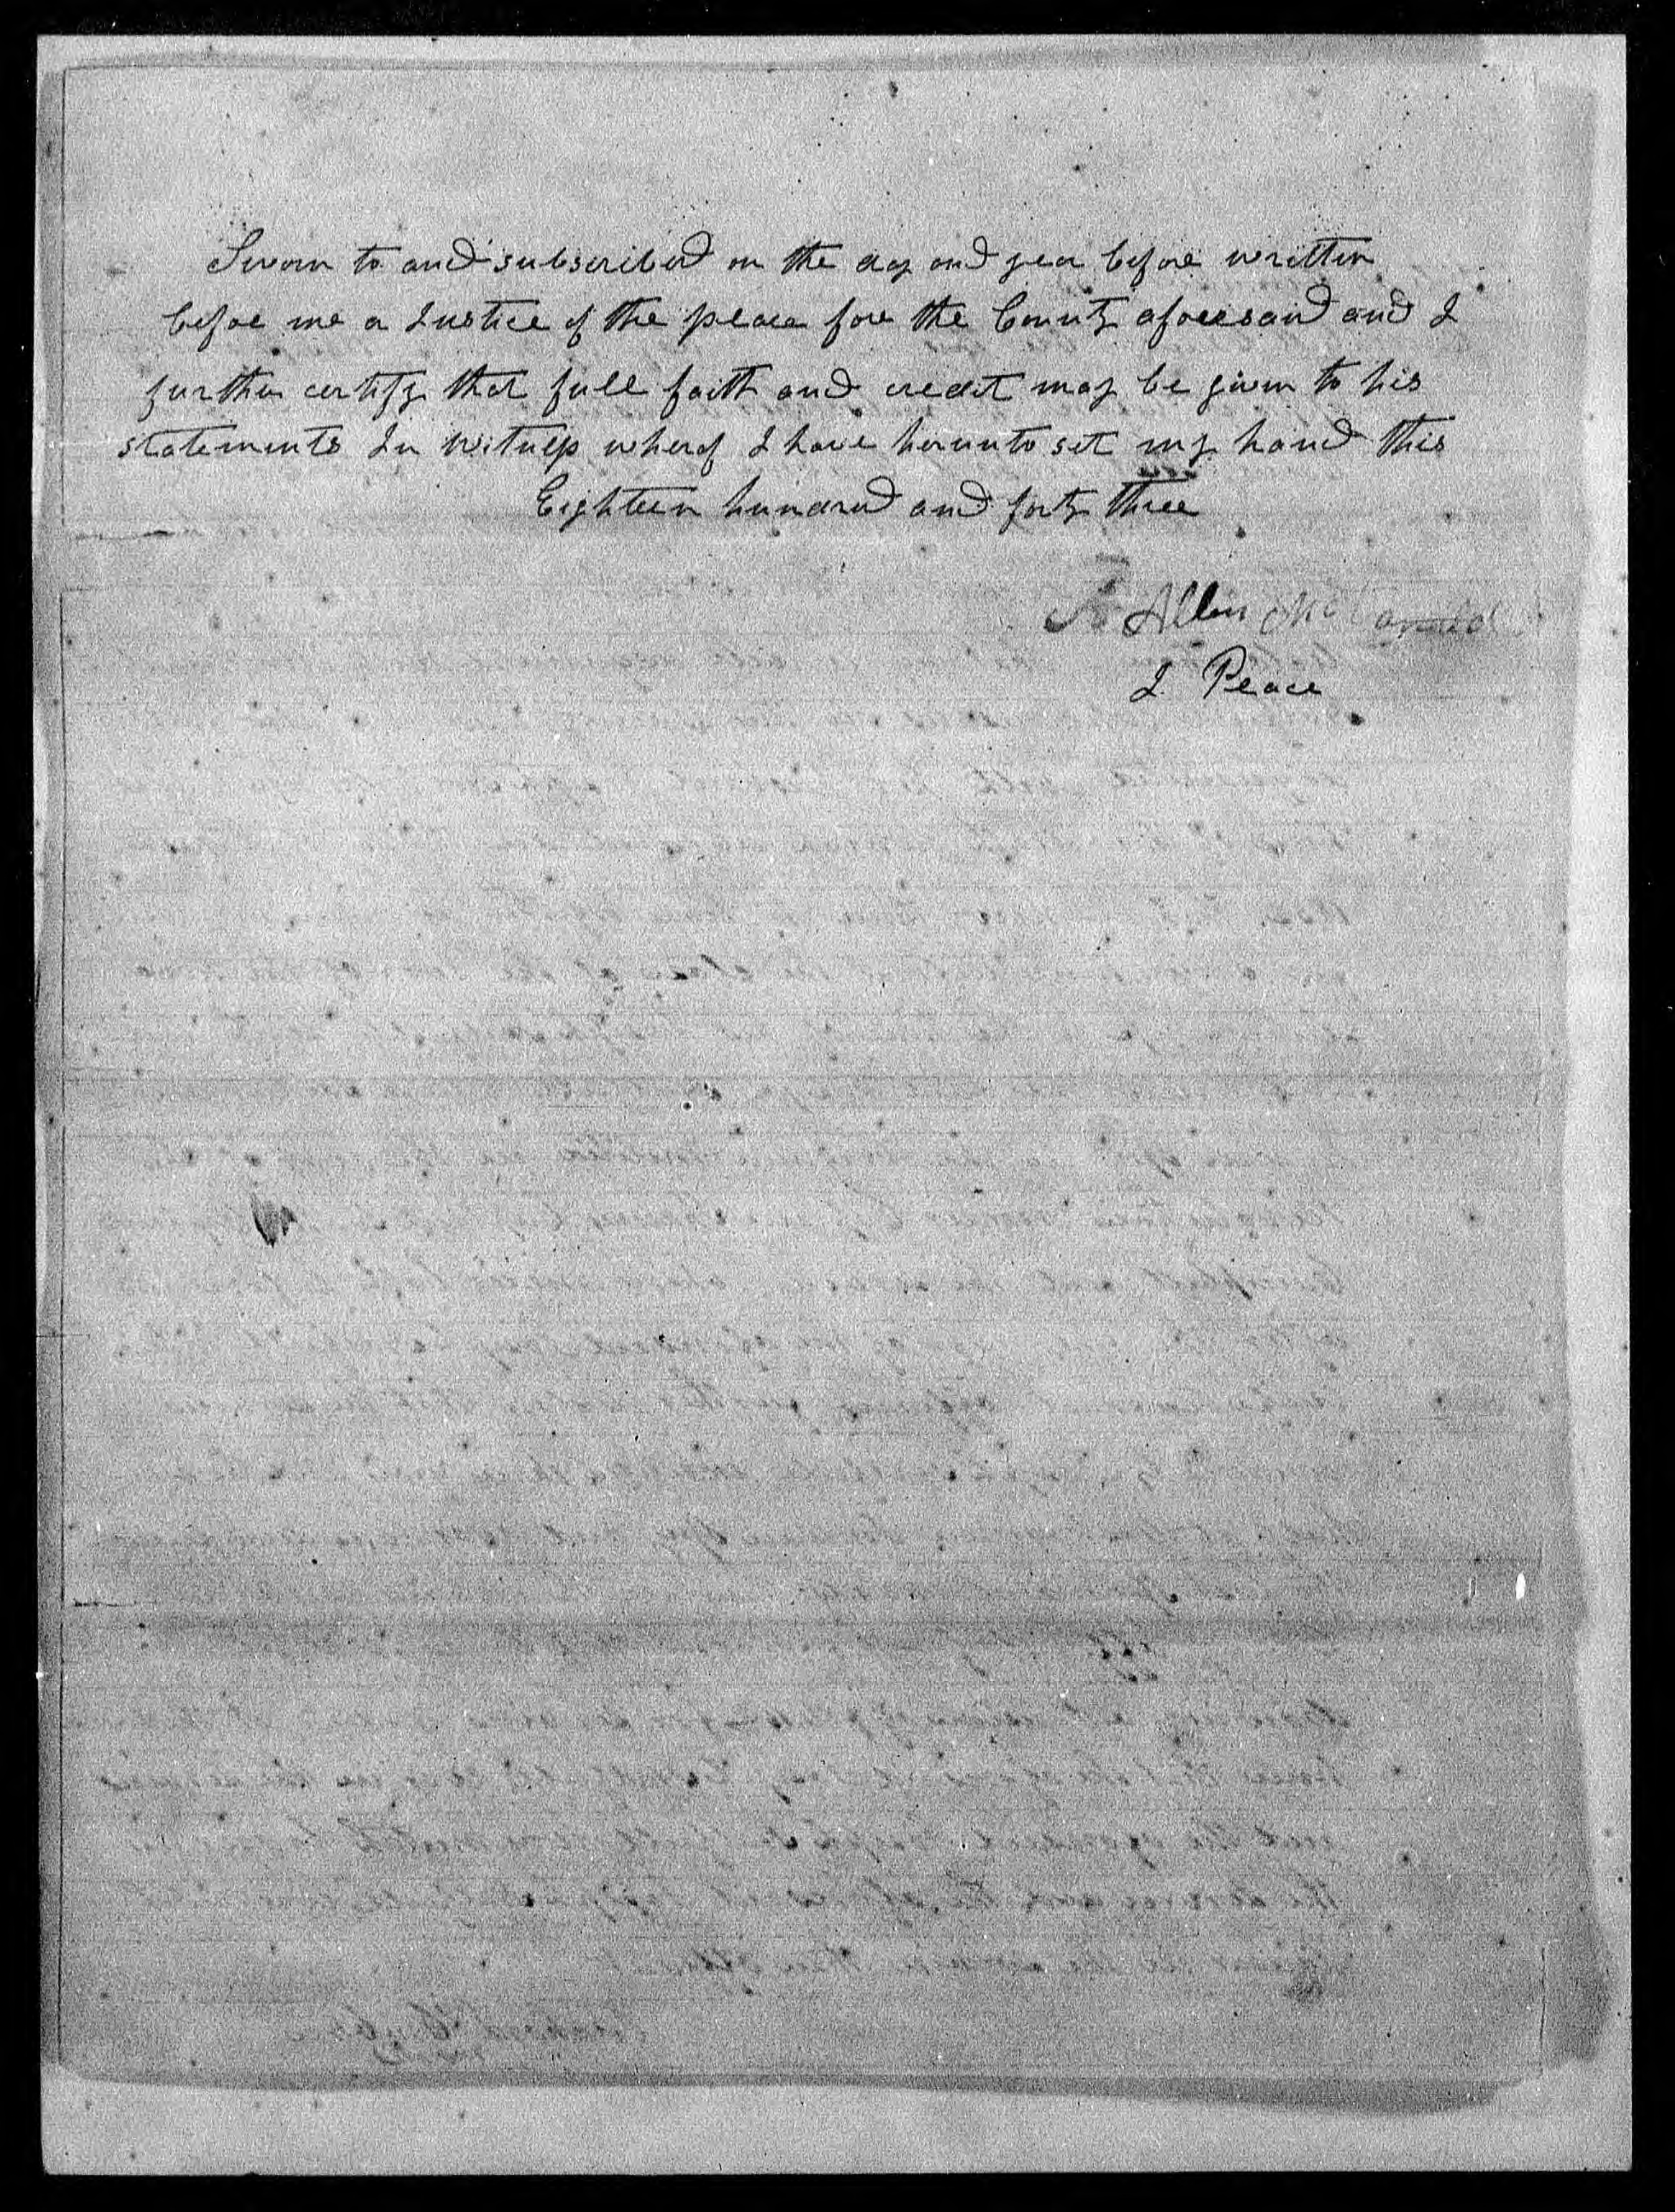Sworn to and subscribed on the day and year written before me a Justice of the Peace for the County aforesaid and I further certify that full faith and credit may be given to his statements In Witness whereof I have hereunto set my hand this Eighteen hundred and forty three
Allen McDonald
J Peace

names: Allen Mc Donald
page: 57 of 74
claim: widow's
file: W. 5, Joseph Hatfield, Va.